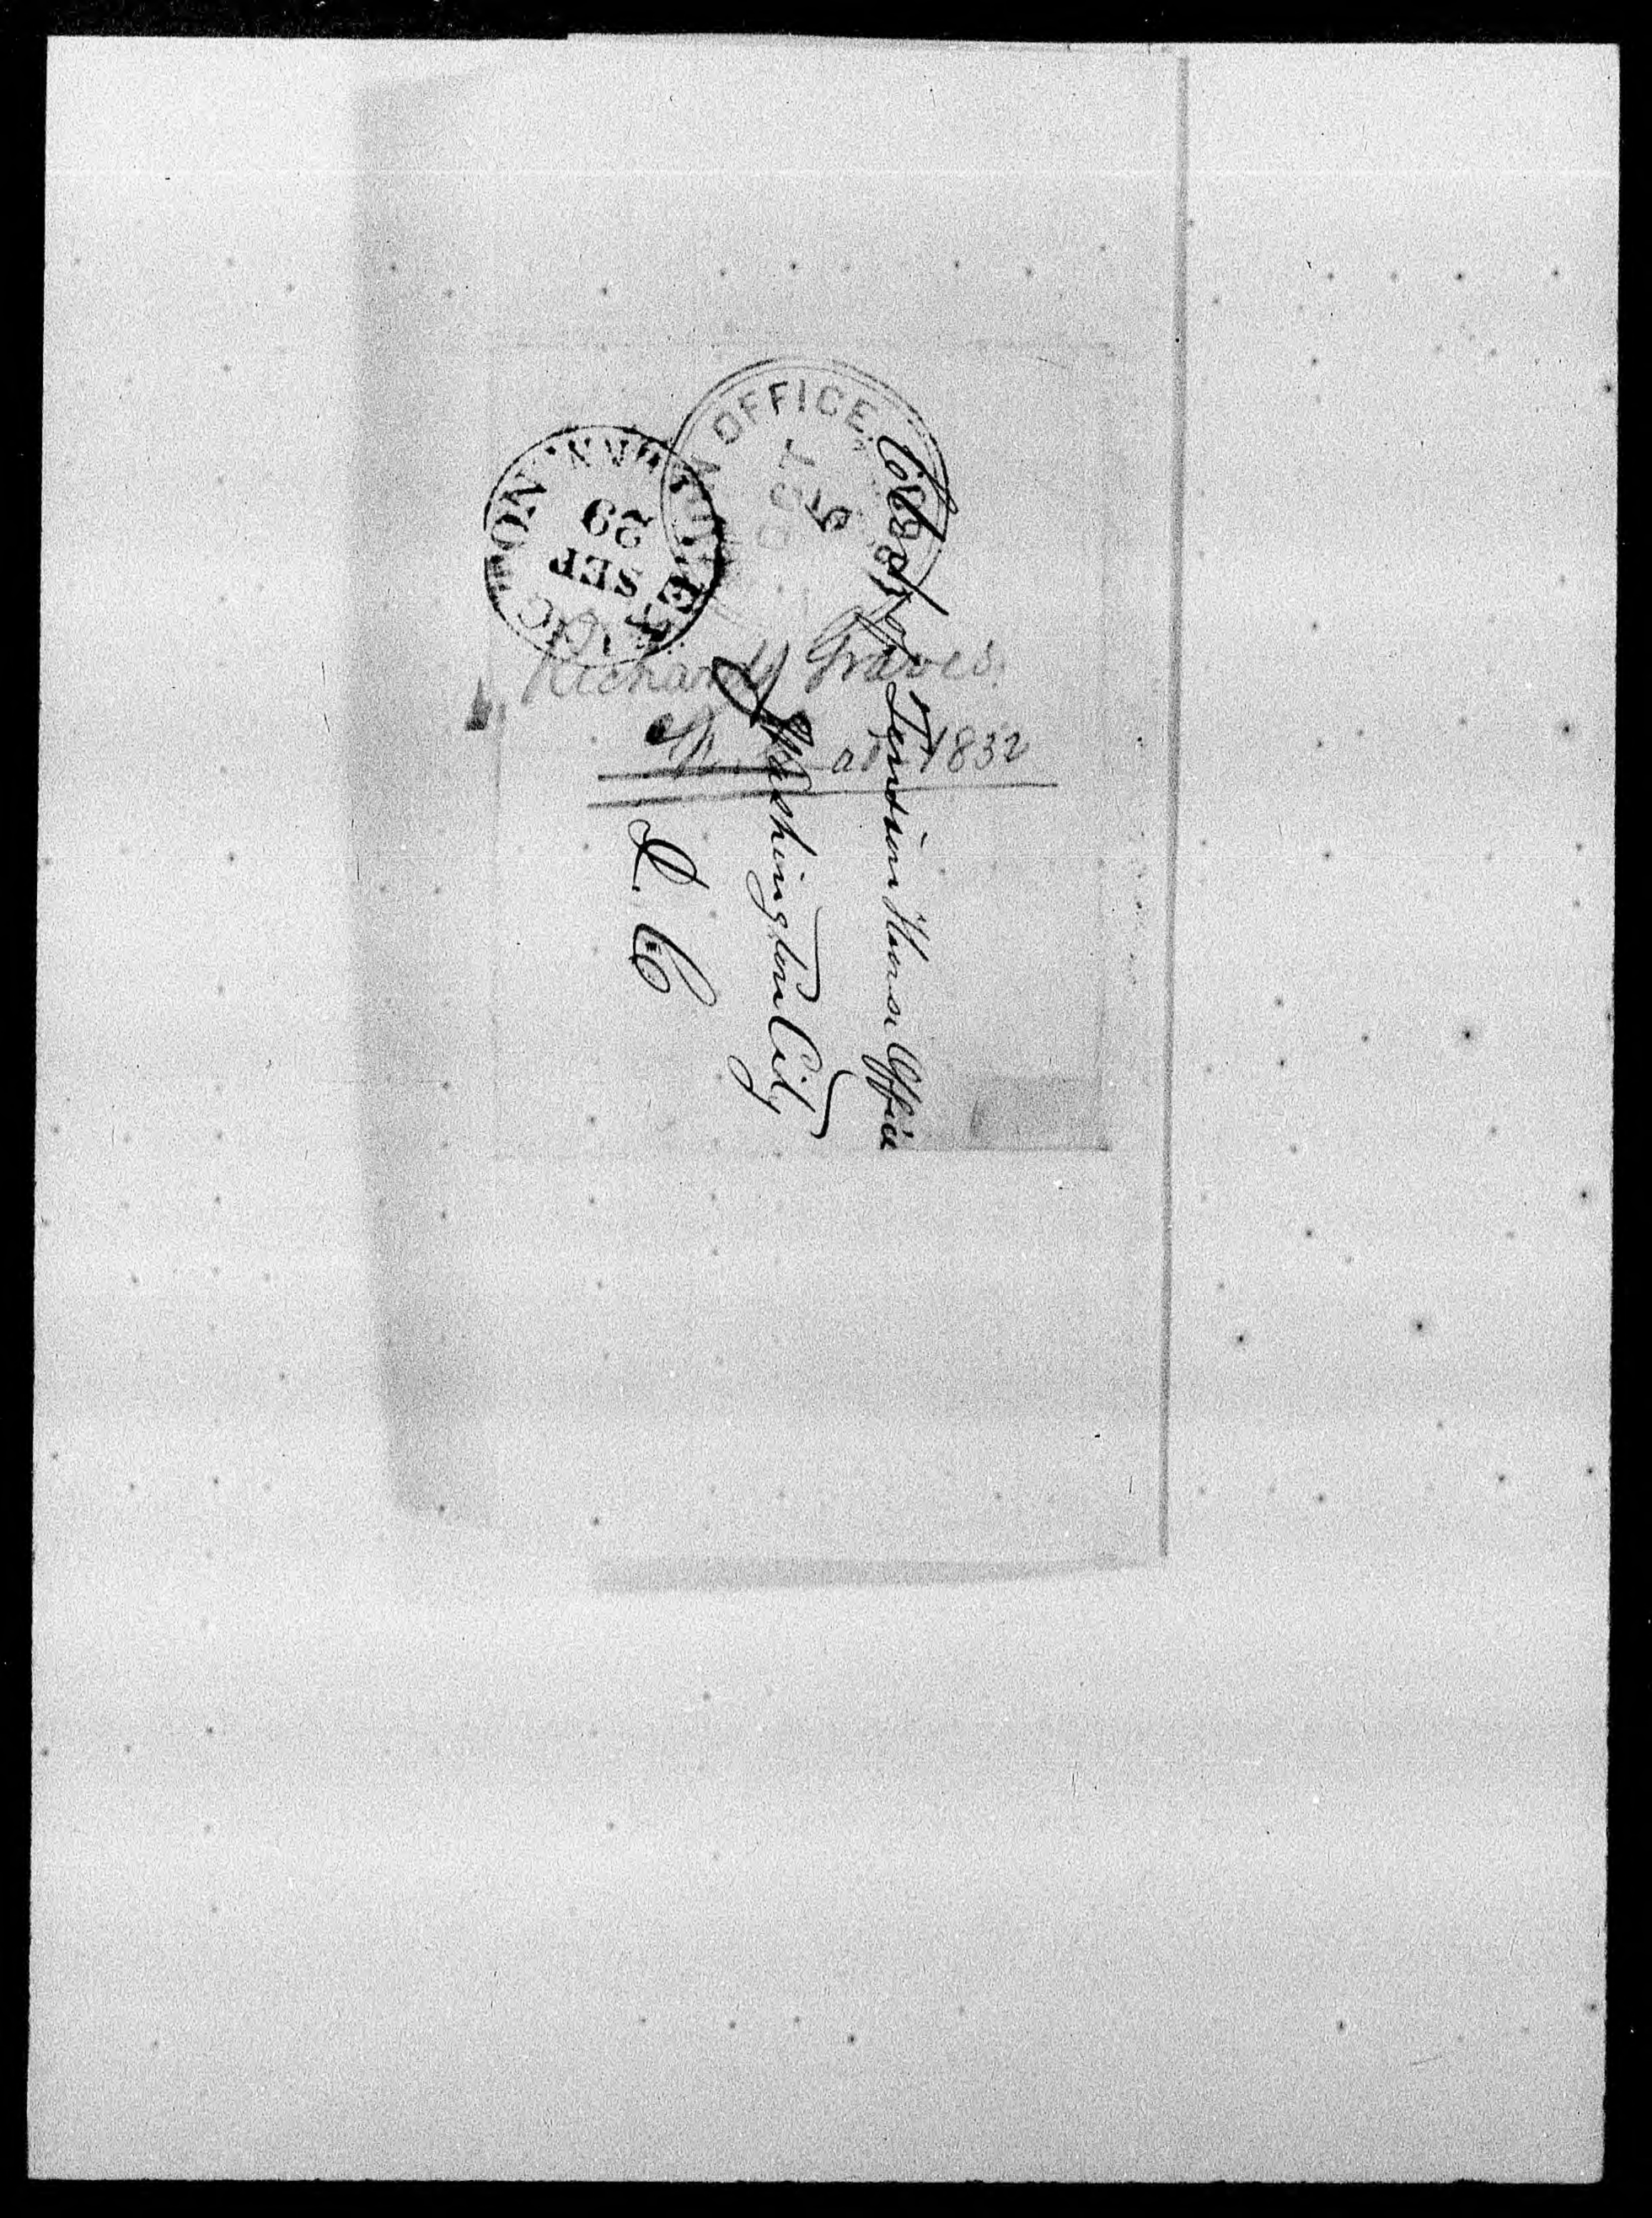Richard Graves
N. C. [??] 1832

Pension House Office
Washington City
D. C.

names: Richard Graves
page: 14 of 15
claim: survivor's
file: S. 8598, Richard Graves, S.C.